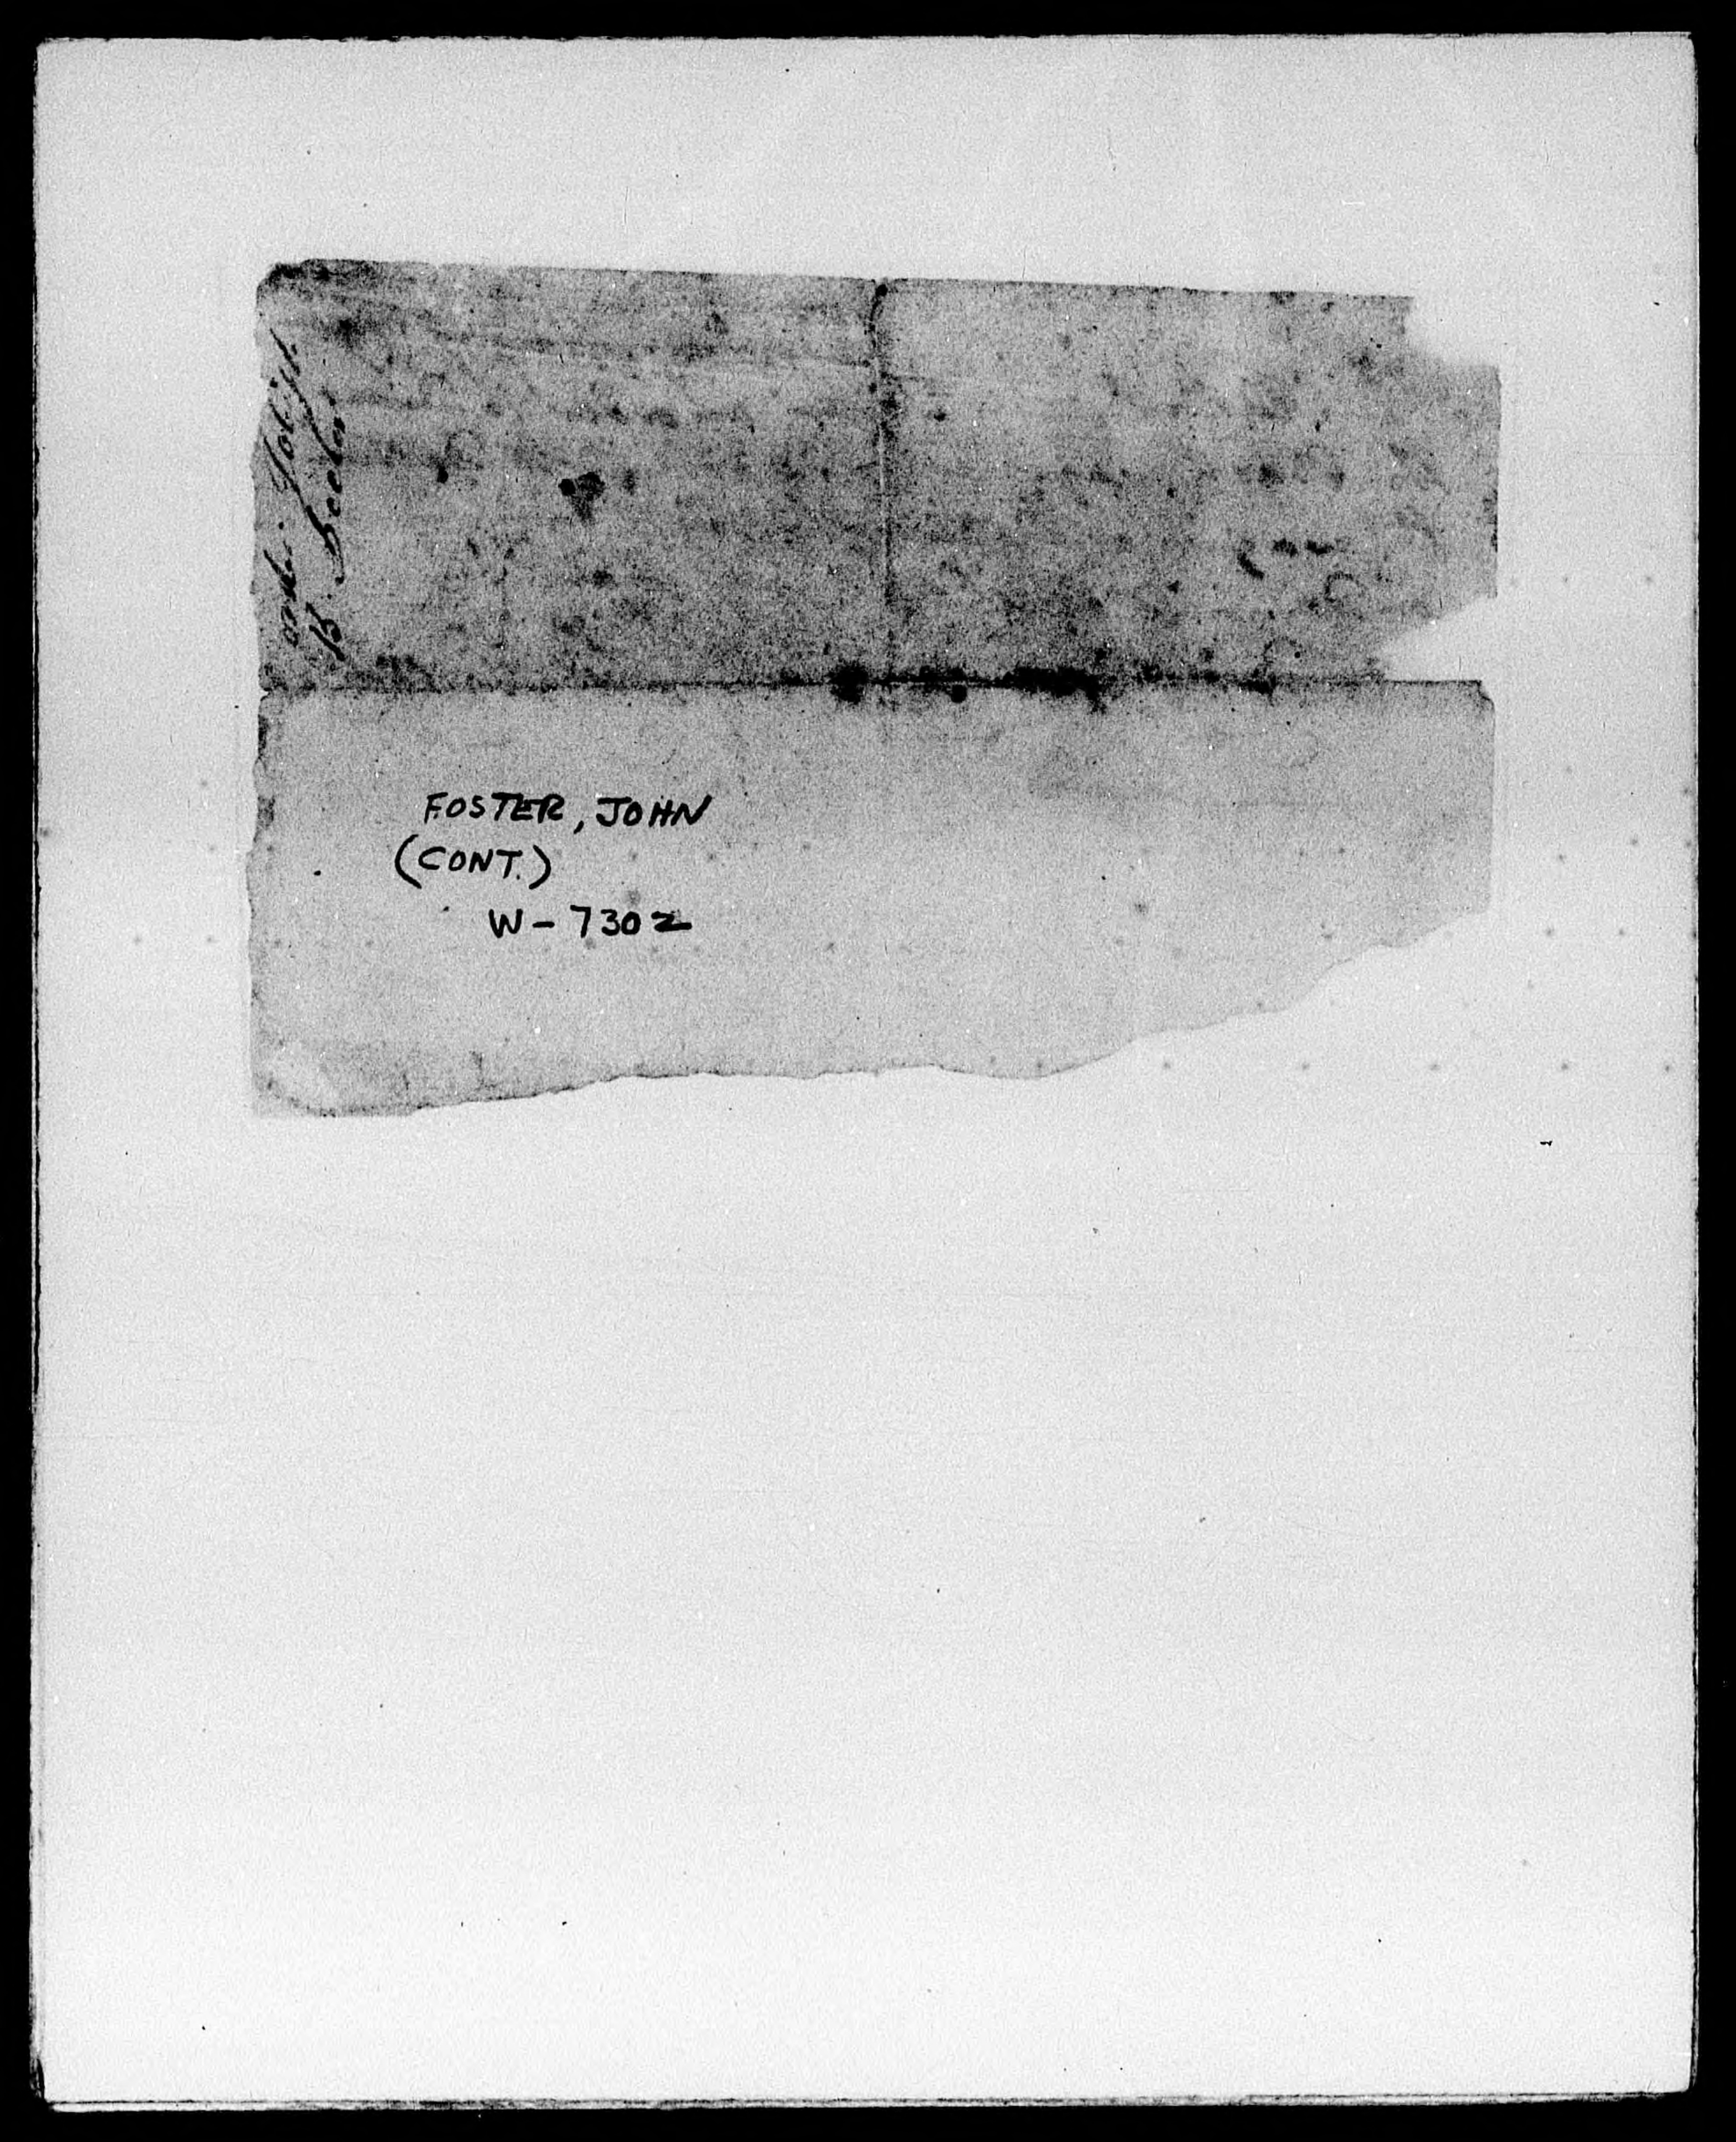FOSTER, JOHN
(CONT.)
W-7302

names: John Foster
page: 17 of 47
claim: widow's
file: W. 7,302, John Foster, Continental Mass. R.I.